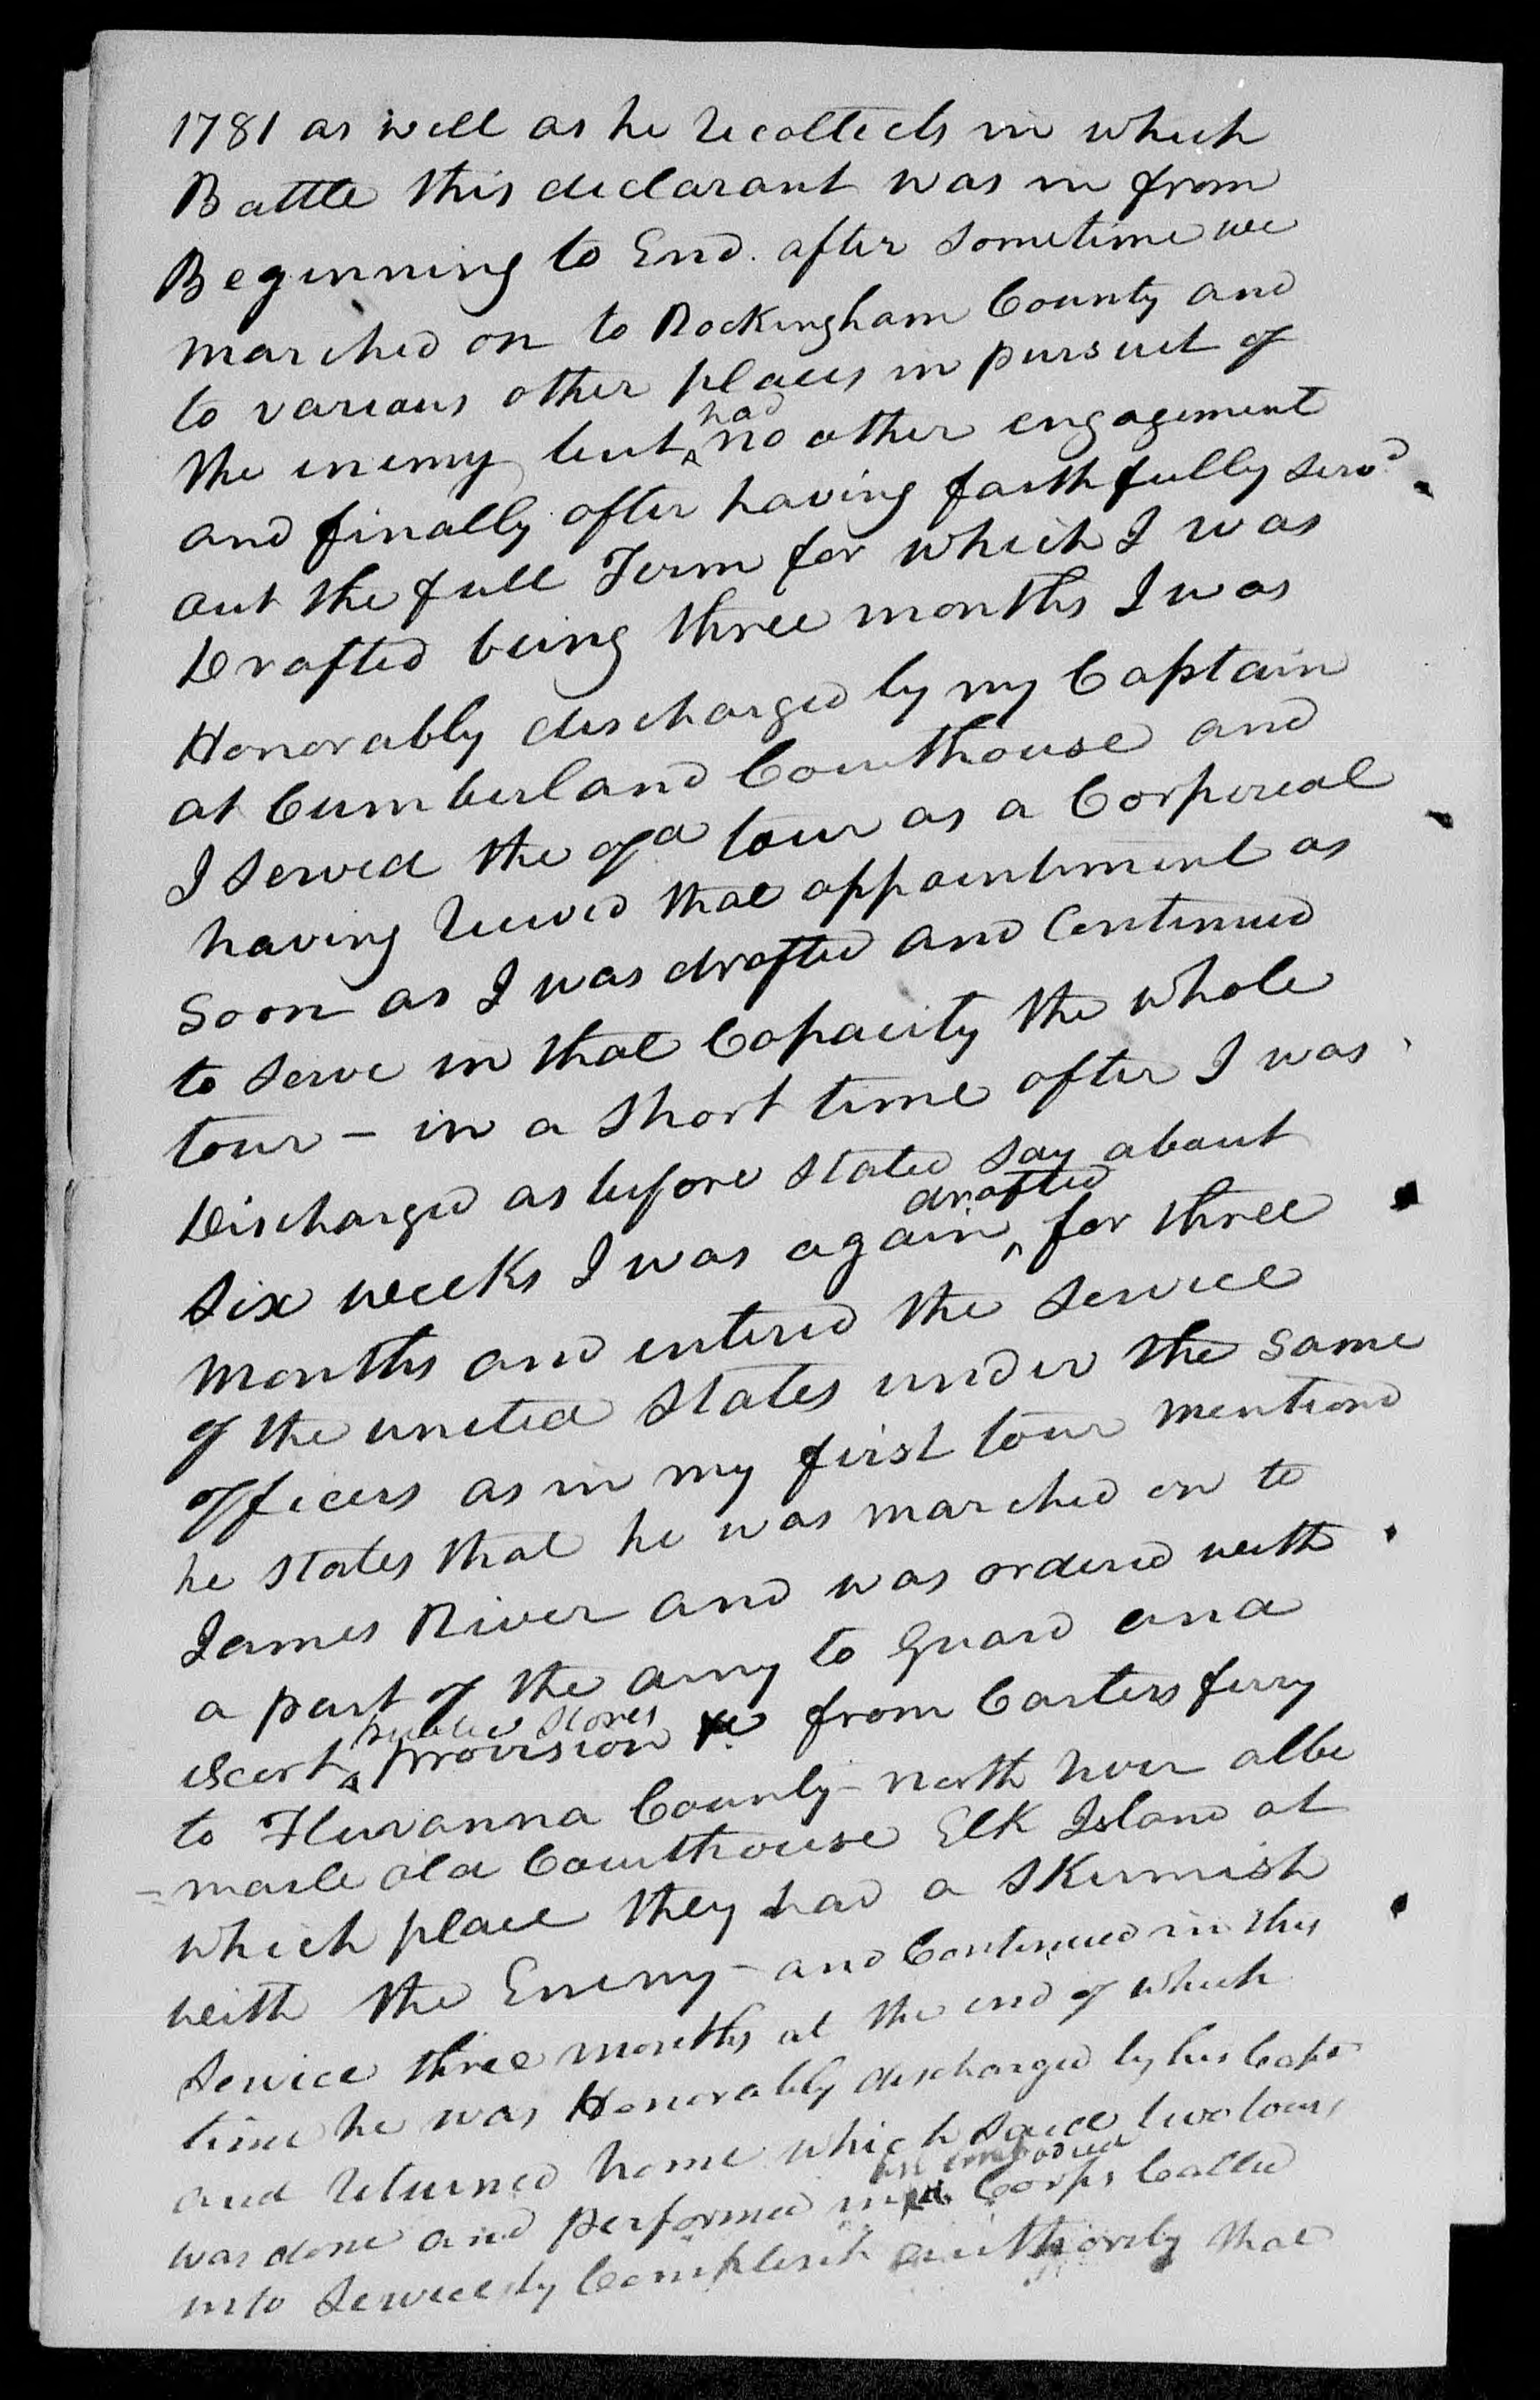1781 as well as he recollects in which 
Battle this declarant was in from 
Beginning to End after sometime we 
marched on to Rockingham County and 
to various other places in pursuit of 
the enemy but had no other engagement 
and finally after having faithfully servd [served] out the full Term for which I was 
Drafted being three months I was 
Honorably discharged by my Captain 
at Cumberland Courthouse and
I served the of a tour as a Corporeal 
having received that appointment as 
soon as I was drafted and continued 
to serve in that capacity the whole 
tour-- in a short time after I was 
Discharged as before stated say about 
six weeks I was again drafted for three 
months and entered the service 
of the united states under the same 
officers as in my first tour mentioned 
he states that that he was marched on to James River and was ordered with 
a part of the army to guard and 
escort public stores provision from Carters ferry
to Fluvanna County north near able
=marle old Courthouse Elk Island at 
which place they had a skirmish 
with the Enemy and contained in 
this 
service three months at the end of which 
time he was Honorably discharged by the Capt and returned home which said two tours
was done and performed his embodied Corps called 
into service by completed authority that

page: 5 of 16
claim: survivor's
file: S. 37,877, John Creasey, Va.